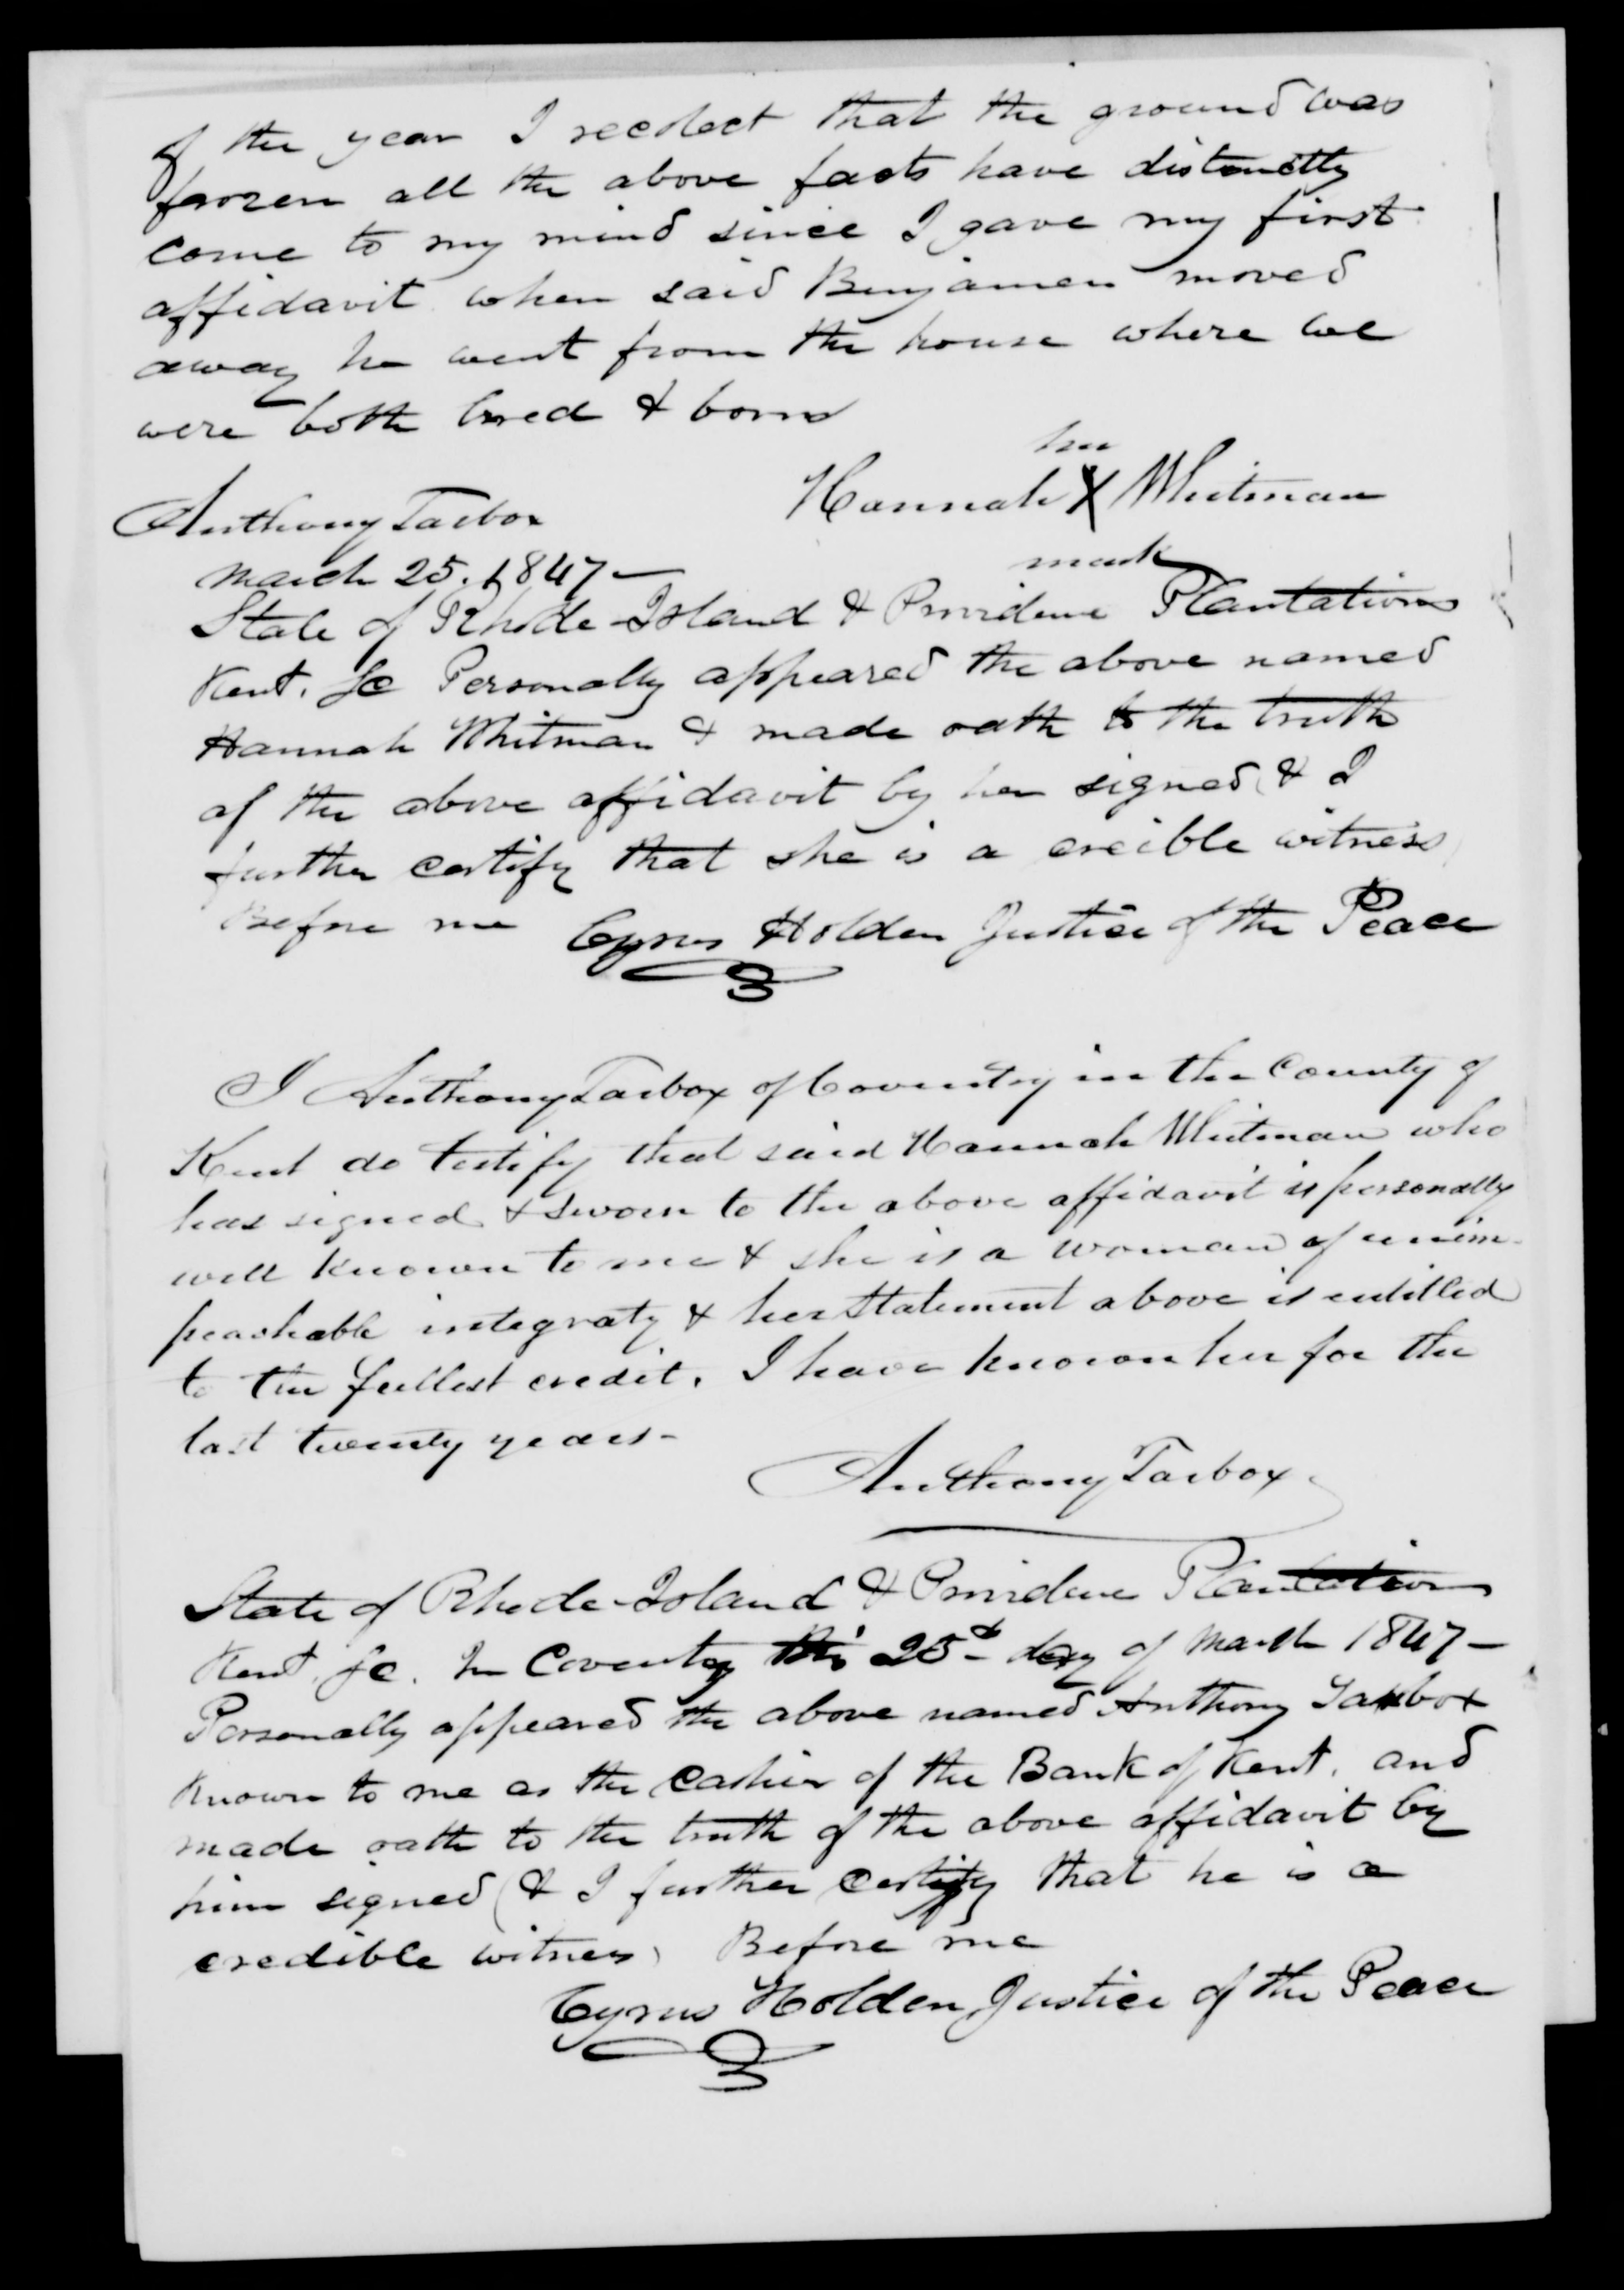Of the year I recollect that the ground was frozen all the above facts have distinctly come to my mind since I gave my first affidavit when said Benjamin moved away he went from the house where we were both bred & born
             Here
Hannah X Whitman

Authorization
March 25, 1847
State of Rhode Island & Providence Plantation  Kent.
I personally appeared the above named Hannah Whitman & made oath to the truth of the above affidavit by her signed & I further certify that she is a credible witness before me 
Cyrus Holden Justice of the Peace

I Anthony Tarbox of Coventry is in the County of Kent do testify that said Hannah Whitman who has signed & sworn to the above affidavit is personally known to me & she is a woman of impeachable integrity & her statement above is entitled to the fullest credit. I have known her for the last twenty years .
Anthony Tarbox

State of Rhode Island & Providence Plantations Kent of this County this 25th day of March 1847- Personally appeared the above named Anthony Tarbox known to me as the cashier of the Bank of Kent, and made oath to the truth of the above affidavit by him signed & I further certify that he is a credible witness before me

Cyrus Holden Justice of the Peace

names: Benjamin, Anthony Tarbox, Hannah Whitman, Cyrus Holden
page: 20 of 53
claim: widow's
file: W 17707, Benjamin Weaver, R.I.